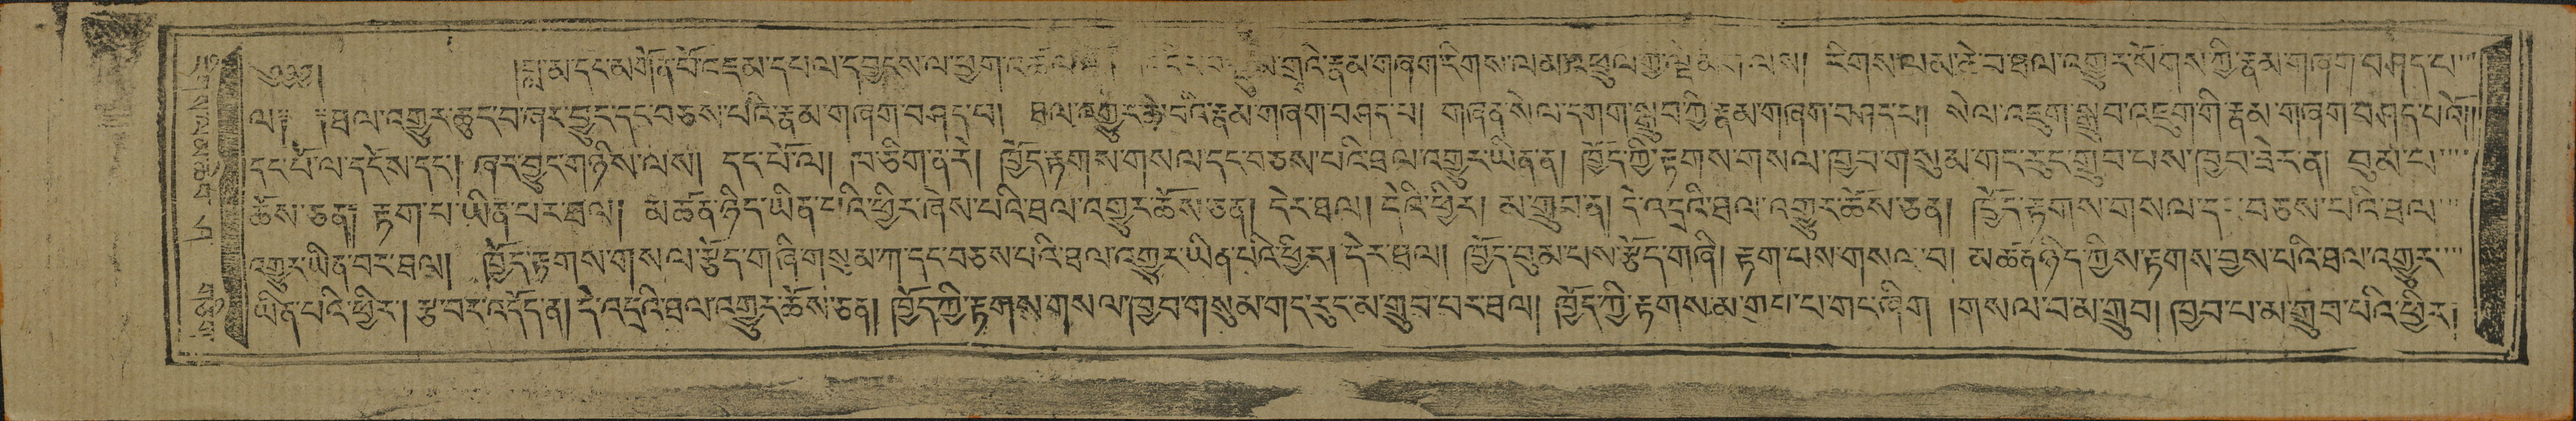༄༅༅། །བླ་མ་དང་མགོན་པོ་འཇམ་དཔལ་དབྱངས་ལ་ཕྱག་འཚལ་ལོ། །འདིར་བསྡུས་གྲྭའི་རྣམ་གཞག་རིགས་ལམ་འཕྲུལ་གྱི་ལྡེ་མིག་ལས། རིགས་ལམ་ཆེ་བ་ཐལ་འགྱུར་སོགས་ཀྱི་རྣམ་གཞག་བཤད་པ་
ལ༑ ༑ཐལ་འགྱུར་ཆུང་བ་ཞར་བྱུང་དང་བཅས་པའི་རྣམ་གཞག་བཤད་པ། ཐལ་འགྱུར་ཆེ་བའི་རྣམ་གཞག་བཤད་པ། གཞན་སེལ་དགག་སྒྲུབ་ཀྱི་རྣམ་གཞག་བཤད་པ། སེལ་འཇུག་སྒྲུབ་འཇུག་གི་རྣམ་གཞག་བཤད་པའོ།།
དང་པོ་ལ་དངོས་དང་། ཞར་བྱུང་གཉིས་ལས། དང་པོ་ལ། ཁ་ཅིག་ན་རེ། ཁྱོད་རྟགས་གསལ་དང་བཅས་པའི་ཐལ་འགྱུར་ཡིན་ན། ཁྱོད་ཀྱི་རྟགས་གསལ་ཁྱབ་གསུམ་གང་རུང་གྲུབ་པས་ཁྱབ་ཟེར་ན། བུམ་པ་
ཆོས་ཅན། རྟག་པ་ཡིན་པར་ཐལ། མཚན་ཉིད་ཡིན་པའི་ཕྱིར་ཞེས་པའི་ཐལ་འགྱུར་ཆོས་ཅན། དེར་ཐལ། དེའི་ཕྱིར། མ་གྲུབ་ན། དེ་འདྲའི་ཐལ་འགྱུར་ཆོས་ཅན། ཁྱོད་རྟགས་གསལ་དང་བཅས་པའི་ཐལ་
འགྱུར་ཡིན་པར་ཐལ། ཁྱོད་རྟགས་གསལ་རྩོད་གཞི་གསུམ་ཀ་དང་བཅས་པའི་ཐལ་འགྱུར་ཡིན་པའི་ཕྱིར། དེར་ཐལ། ཁྱོད་བུམ་པས་རྩོད་གཞི། རྟག་པས་གསལ་བ། མཚན་ཉིད་ཀྱིས་རྟགས་བྱས་པའི་ཐལ་འགྱུར་
ཡིན་པའི་ཕྱིར། རྩ་བར་འདོད་ན། དེ་འདྲའི་ཐལ་འགྱུར་ཆོས་ཅན། ཁྱོད་ཀྱི་རྟགས་གསལ་ཁྱབ་གསུམ་གང་རུང་མ་གྲུབ་པར་ཐལ། ཁྱོད་ཀྱི་རྟགས་མ་གྲུབ་པ་གང་ཞིག །གསལ་བ་མ་གྲུབ། ཁྱབ་པ་མ་གྲུབ་པའི་ཕྱིར།